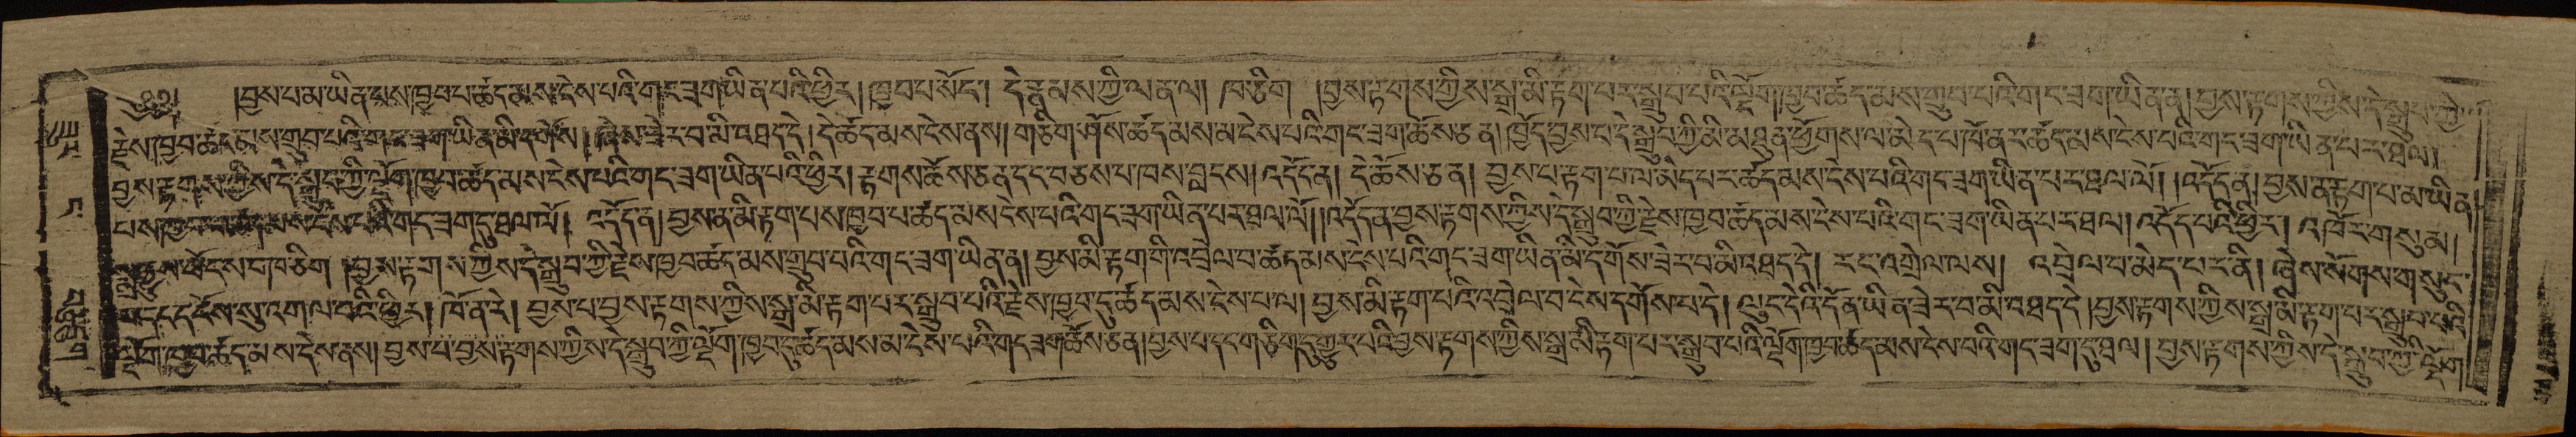༄༅། །བྱས་པ་མ་ཡིན་པས་ཁྱབ་པ་ཚད་མས་ངེས་པའི་གང་ཟག་ཡིན་པའི་ཕྱིར། ཁྱབ་པ་སོང་། དེ་རྣམས་ཀྱི་ལན་ལ། ཁ་ཅིག །བྱས་རྟགས་ཀྱིས་སྒྲ་མི་རྟག་པར་སྒྲུབ་པའི་ལྡོག་ཁྱབ་ཚད་མས་གྲུབ་པའི་གང་ཟག་ཡིན་ན། བྱས་རྟགས་ཀྱིས་དེ་སྒྲུབ་ཀྱི་
རྗེས་ཁྱབ་ཚད་མས་གྲུབ་པའི་གང་ཟག་ཡིན་མི་དགོས། ཞེས་ཟེར་བ་མི་འཐད་དེ། དེ་ཚད་མས་ངེས་ནས། གཅིག་ཤོས་ཚད་མས་མ་ངེས་པའི་གང་ཟག་ཆོས་ཅན། ཁྱོད་བྱས་པ་དེ་སྒྲུབ་ཀྱི་མི་མཐུན་ཕྱོགས་ལ་མེད་པ་ཁོ་ནར་ཚད་མས་ངེས་པའི་གང་ཟག་ཡིན་པར་ཐལ།
བྱས་རྟགས་ཀྱིས་དེ་སྒྲུབ་ཀྱི་ལྡོག་ཁྱབ་ཚད་མས་ངེས་པའི་གང་ཟག་ཡིན་པའི་ཕྱིར། རྟགས་ཆོས་ཅན་དང་བཅས་པ་ཁས་བླངས། འདོད་ན། དེ་ཆོས་ཅན། བྱས་པ་རྟག་པ་ལ་མེད་པར་ཚད་མས་ངེས་པའི་གང་ཟག་ཡིན་པར་ཐལ་ལོ། །འདོད་ན། བྱས་ན་རྟག་པ་མ་ཡིན་
པས་ཁྱབ་པ་ཚད་མས་ངེས་པའི་གང་ཟག་དུ་ཐལ་ལོ། འདོད་ན། བྱས་ན་མི་རྟག་པས་ཁྱབ་པ་ཚད་མས་ངེས་པའི་གང་ཟག་ཡིན་པར་ཐལ་ལོ། །འདོད་ན་བྱས་རྟགས་ཀྱིས་དེ་སྒྲུབ་ཀྱི་རྗེས་ཁྱབ་ཚད་མས་ངེས་པའི་གང་ཟག་ཡིན་པར་ཐལ། འདོད་པའི་ཕྱིར། འཁོར་གསུམ།
སྨྲ་རྒྱུས་ཕོངས་པ་ཁ་ཅིག །བྱས་རྟགས་ཀྱིས་དེ་སྒྲུབ་ཀྱི་རྗེས་ཁྱབ་ཚད་མས་གྲུབ་པའི་གང་ཟག་ཡིན་ན། བྱས་མི་རྟག་གི་འབྲེལ་པ་ཚད་མས་ངེས་པའི་གང་ཟག་ཡིན་མི་དགོས་ཟེར་བ་མི་འཐད་དེ། རང་འགྲེལ་ལས། འབྲེལ་བ་མེད་པར་ནི། ཞེས་སོགས་གསུང་
བ་དང་དངོས་སུ་འགལ་བའི་ཕྱིར། ཁོ་ན་རེ། བྱས་པ་བྱས་རྟགས་ཀྱིས་སྒྲ་མི་རྟག་པར་སྒྲུབ་པའི་རྗེས་ཁྱབ་དུ་ཚད་མས་ངེས་པ་ལ། བྱས་མི་རྟག་པའི་འབྲེལ་བ་ངེས་དགོས་པ་དེ། ལུང་དེའི་དོན་ཡིན་ཟེར་བ་མི་འཐད་དེ། བྱས་རྟགས་ཀྱིས་སྒྲ་མི་རྟག་པར་སྒྲུབ་པའི་
ལྡོག་ཁྱབ་ཚད་མས་དེས་ནས། བྱས་པ་བྱས་རྟགས་ཀྱིས་དེ་སྒྲུབ་ཀྱི་ལྡོག་ཁྱབ་དུ་ཚད་མས་མ་ངེས་པའི་གང་ཟག་ཆོས་ཅན། བྱས་པ་དང་གཅིག་དུ་གྱུར་པའི་བྱས་རྟགས་ཀྱིས་སྒྲ་མི་རྟག་པར་སྒྲུབ་པའི་ལྡོག་ཁྱབ་ཚད་མས་ངེས་པའི་གང་ཟག་དུ་ཐལ། བྱས་རྟགས་ཀྱིས་དེ་སྒྲུབ་ཀྱི་ལྡོག་